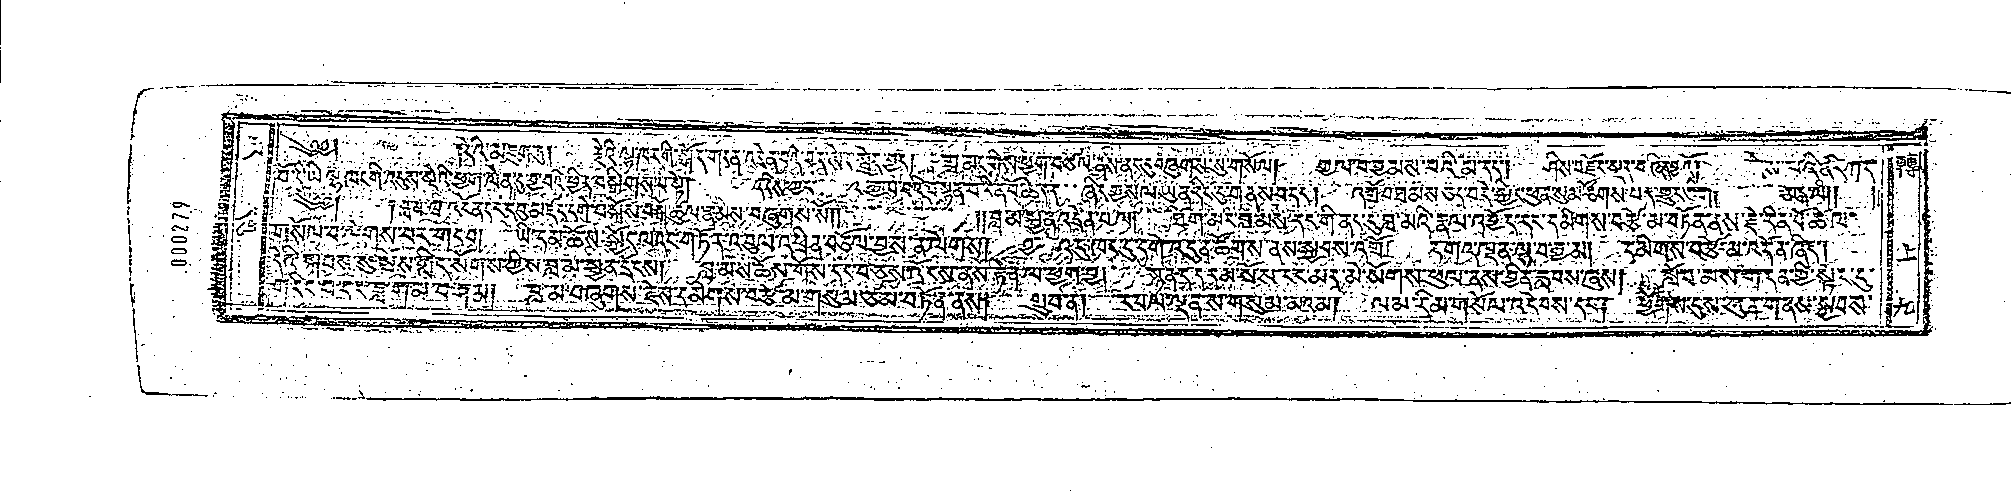༄༅། །དེའི་མཇུག་ཏུ། རྗེའི་ལྷ་ཁང་གི་སྒོར་གདན་འདྲེན་བའི་བར་སེར་སྦྲེང་བྱང་། གྲྭ་མང་གིས་ཕྱག་བཙལ་ནས་ནང་དུ་བཞུགས་སུ་གསོལ། རྒྱལ་བ་བྱམས་པའི་མ་དད། ཤིས་བརྗོད་སྔར་བཞིན་བྱའོ། ཞེས་པའི་ནི་དཀར་
བོ་དི་ཡི་ལྷ་ཁང་གི་འདུས་སྡེའི་ཕྱག་ལེན་དུ་བྱ་བའི་ཕྱིར་བསྒྲིགས་པ་སྟེ། འདིས་ཀྱང་༧་རྒྱལ་བའི་བསྟན་པ་རིན་པོ་ཆེ་དར་ཞིང་རྒྱས་ལ་ཡུན་རིང་དུ་གནས་པ་དང་། འགྲོ་བ་ཐམས་ཅད་བདེ་སྐྱིད་ཕུན་སུམ་ཚོགས་པར་གྱུར་ཅིག། མངྒ་ལཾ།། །
༄༅། །བླ་མ་ཁྲི་འདོན་དང་དབུ་མཛད་དགེ་བསྐོས་བསྒོ་ཚུལ་རྣམས་བཞུགས་སོ།། །།བླ་མ་སྦྱན་འདྲེན་པ་ལ། ཐོག་མར་བླ་མས་རང་གི་ནང་དུ་བླ་མའི་རྣལ་འབྱོར་དང་དམིགས་བརྩེ་མ་བཏོན་ནས་རྗེ་རིན་པོ་ཆེ་ལ་
གསོལ་བ་ལེགས་པར་གདབ། ཡི་དམ་ཆོས་སྐྱོང་ལའང་གཏོར་འབུལ་འཕྲིན་བཅོལ་བྱས་ན་ལེགས། ༧་འདུ་ཁང་དུ་དགེ་འདུན་ཚོགས་ནས་སྐྱབས་འགྲོ། དགའ་ལྡན་ལྷ་བརྒྱ་མ། དམིགས་བརྩེ་མ་འདོན་ཞིང་།
དེའི་སྐབས་སུ་སྤོས་གླིང་སོགས་ཀྱིས་བླ་མ་སྤྱན་དྲོངས། བླ་མས་ཆོས་གོས་དང་བཅས་འོངས་ནས་རྟེན་ལ་ཕྱག་བྱ། སྙན་དར་རམ་སྤོས་དང་མར་མེ་སོགས་ཕུལ་ནས་བྱིན་རླབས་ཞུས། སློབ་མས་གདན་གྱི་སྟེང་དུ་
གདིང་བ་དང་ཟླ་གམ་བཤམ། བླ་མ་བཞུགས་རྗེས་དམིགས་བརྩེ་མ་གསུམ་ཙམ་བཏོན་ནས། གྲུབ་ན། དཔལ་ལྡན་ས་གསུམ་མའམ། ལམ་རིམ་གསོལ་འདེབས་དང་། ཕྱོགས་དུས་ཀུན་གནས་སྐྱབས་